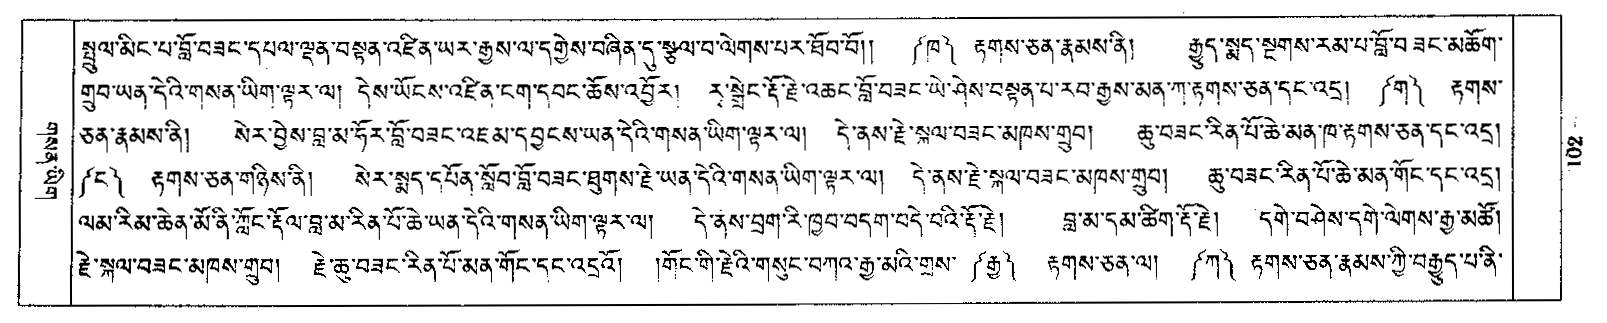སྤྲུལ་མིང་པ་བློ་བཟང་དཔལ་ལྡན་བསྟན་འཛིན་ཡར་རྒྱས་ལ་དགྱེས་བཞིན་དུ་སྩལ་བ་ལེགས་པར་ཐོབ་བོ། ཁ྄་རྟགས་ཅན་རྣམས་ནི། རྒྱུད་སྨད་སྔགས་རམ་པ་བློ་བཟང་མཆོག་
གྲུབ་ཡན་དེའི་གསན་ཡིག་ལྟར་ལ། དེས་ཡོངས་འཛིན་ངག་དབང་ཆོས་འབྱོར། རྭ་སྒྲེང་རྡོ་རྗེ་འཆང་བློ་བཟང་ཡེ་ཤེས་བསྟན་པ་རབ་རྒྱས་མན་ཀ་རྟགས་ཅན་དང་འདྲ། ག྄་རྟགས་
ཅན་རྣམས་ནི། སེར་བྱེས་བླ་མ་ཧོར་བློ་བཟང་འཇམ་དབྱངས་ཡན་དེའི་གསན་ཡིག་ལྟར་ལ། དེས་ནས་རྗེ་སྐལ་བཟང་མཁས་གྲུབ། ཆུ་བཟང་རིན་པོ་ཆེ་མན་ཁ་རྟགས་ཅན་དང་འདྲ།
ང྄་རྟགས་ཅན་གཉིས་ནི། སེར་སྨད་དཔོན་སློབ་བློ་བཟང་ཐུགས་རྗེ་ཡན་དེའི་གསན་ཡིག་ལྟར་ལ། དེ་ནས་རྗེ་སྐལ་བཟང་མཁས་གྲུབ། ཆུ་བཟང་རིན་པོ་ཆེ་མན་གོང་དང་འདྲ།
ལམ་རིམ་ཆེན་མོ་ནི་ཀློང་རྡོལ་བླ་མ་རིན་པོ་ཆེ་ཡན་དེའི་གསན་ཡིག་ལྟར་ལ། དེ་ནས་བྲག་རི་ཁྱབ་བདག་བདེ་བའི་རྡོ་རྗེ། བླ་མ་དམ་ཚིག་རྡོ་རྗེ། དགེ་བཤེས་དགེ་ལེགས་རྒྱ་མཚོ།
རྗེ་སྐལ་བཟང་མཁས་གྲུབ། རྗེ་ཆུ་བཟང་རིན་པོ་མན་གོང་དང་འདྲའོ། །གོང་གི་རྗེའི་གསུང་བཀའ་རྒྱ་མའི་གྲས ༼རྒྱ྄་རྟགས་ཅན་ལ། ༽ཀ྄་རྟགས་ཅན་རྣམས་ཀྱི་བརྒྱུད་པ་ནི་